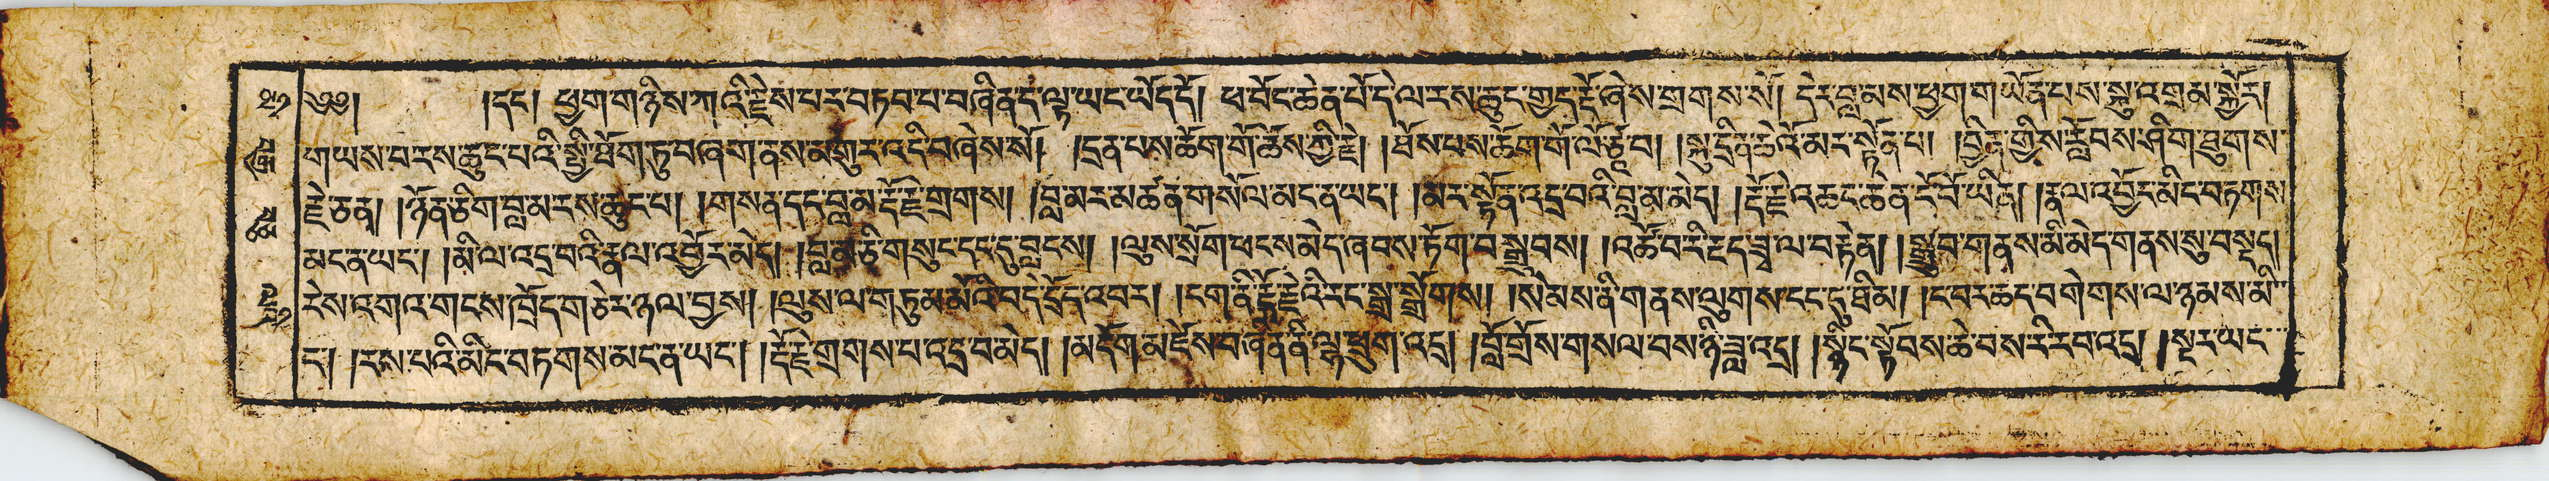།དང། ཕྱག་གཉིས་ཀའི་རྗེས་པར་བཏབ་པ་བཞིན་ད་ལྟ་ཡང་ཡོད་དོ། ཕ་བོང་ཆེན་པོ་དེ་ལ་རས་ཆུང་གྱད་རྡོ་ཞེས་གྲགས། དེར་བླ་མས་ཕྱག་གཡོན་པས་སྐུ་འགྲམ་སྐྱོད།
གཡས་པ་རས་ཆུང་པའི་སྤྱི་ཐོག་ཏུ་བཞག་ནས་མགུར་འདི་བཞེས་སོ། དྲན་པས་ཆོག་གོ་ཆོས་ཀྱི་རྗེ། །ཐོས་པས་ཆོག་གོ་ལོ་ཙཱ་བ། །སྐུ་དྲིན་ཆེའོ་མར་སྟོན་པ། །བྱིན་གྱིས་རློབས་ཤིག་ཐུགས་
རྗེ་ཅན། །ཉོན་ཅིག་བླ་མ་རས་ཆུང་པ། །གསན་དང་བླ་མ་རྡོ་རྗེ་གྲགས། །བླ་མར་མཚན་གསོལ་མང་ན་ཡང་། །མར་སྟོན་འདྲ་བའི་བླ་མ་མེད། །རྡོ་རྗེ་འཆང་ཆེན་ངོ་བོ་ཡིན། །རྣལ་འབྱོར་མིང་བཏགས་
མང་ན་ཡང་། །མི་ལ་འདྲ་བའི་རྣལ་འབྱོར་མེད། །བླ་མ་ཅི་གསུང་དང་དུ་བླངས། །ལུས་སྲོག་ཕངས་མེད་ཞབས་ཏོག་བསྒྲུབས། །འཚོ་བ་རི་རྔད་ཟྭ་ལ་བརྟེན། །སྒྲུབ་གནས་མི་མེད་གནས་སུ་བསྡད། །
རེས་འགའ་གངས་ཁྲོད་གཅེར་ཉལ་བྱས། །ལུས་ལ་གཏུམ་མོའི་བདེ་དྲོད་འབར། །ངག་ནི་རྗེའི་རང་སྒྲ་སྒྲོགས། །སེམས་ནི་གནས་ལུགས་ངང་དུ་ཐིམ། །ང་བར་ཆད་བགེགས་ལ་ཉམས་མི་
ང་། །རས་པའི་མིང་བཏགས་མང་ན་ཡང་། །རྡོ་རྗེ་གྲགས་པ་འདྲ་བ་མེད། །མདོག་མཛེས་བཞིན་ནི་ལྷ་ཕྲུག་འདྲ། །བློ་གྲོས་གསལ་བས་ཉི་ཟླ་འདྲ། །སྙིང་སྟོབས་ཆེ་བས་རི་རབ་འདྲ། །སྔར་ཡང་